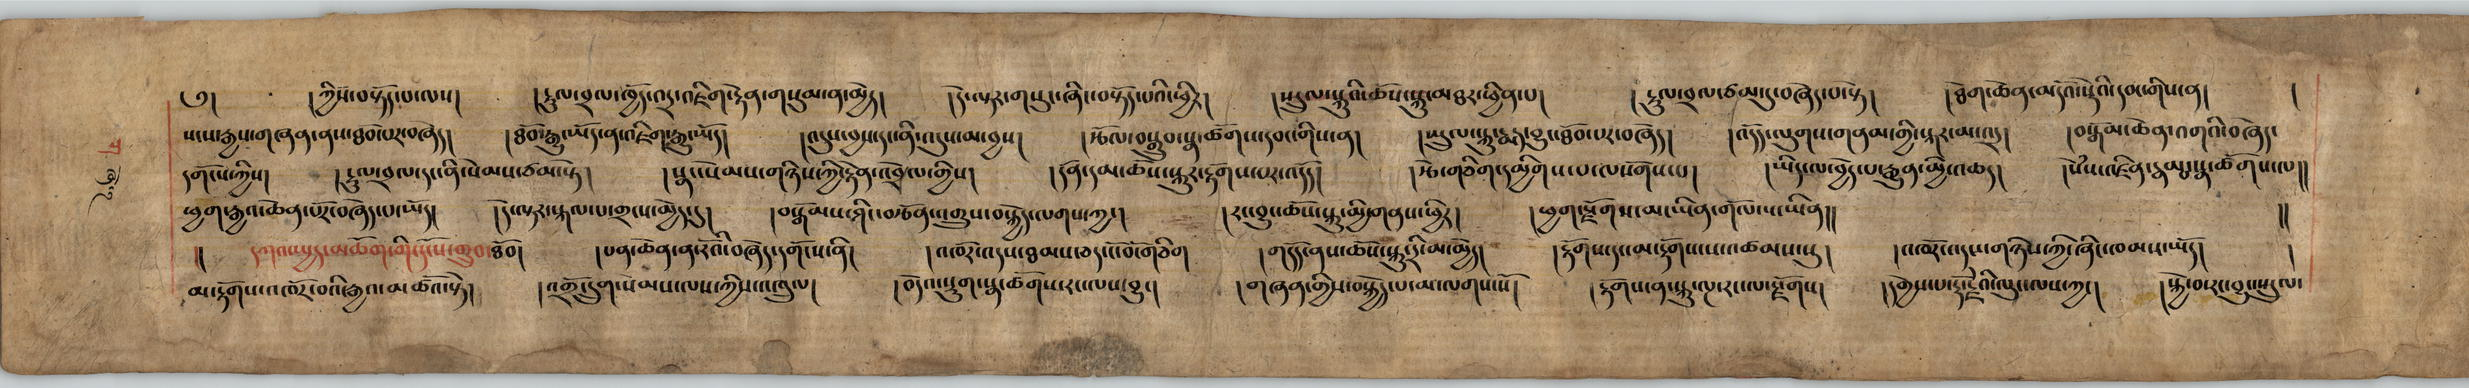༅། །ཀྱིས་བསྟོད་པ་ལས། །རྡུལ་བྲལ་ཁྱོད་འདྲ་འཇིག་རྟེན་གསུམ་ན་མྱེད། །དེ་ལྟར་གསུང་ཞིང་བསྟོད་པའི་ཕྱིར། །སྤྲུལ་སྐུའི་ཆོས་སྐུ་མཐར་ཕྱིན་པ། །རྡུལ་བྲལ་ཙམ་དུ་བཞེད་པ་སྟེ། །ཐེག་ཆེན་མདོའ་སྡེའི་དབང་གིས་ན།
སངས་རྒྱས་གཞན་ནས་ཐོབ་པར་བཞེད། །ཐོབ་རྒྱུ་ཡོད་ན་འཇིག་རྒྱུ་ཡོད། འདུས་བྱས་དང་ནི་འདུས་མ་བྱས། །རྩོལ་བསྒྲུབ་སྣ་ཚོགས་དབང་གིས་ན། །སྤྲུལ་སྐུ་རྨད་བྱུང་ཐོབ་པར་བཞེད། །འདོད་ལུགས་གནམ་གྱི་སྐར་མ་འདྲ། །བསྒོམ་ཆེན་འགའི་བཞེད་
དགོངས་ཀྱིས། །རྡུལ་བྲལ་དང་ནི་སེམས་ཙམ་སྟེ། །སྣང་སེམས་གཉིས་ཀྱི་རྟེན་འབྲེལ་གྱིས། །དོན་དམ་ཆོས་སྐུར་རྟོགས་པར་འདོད། །རྩེ་གཅིག་དམྱིགས་པ་ལསོགས་པ། །ཡིད་ལ་བྱེད་པ་རྒྱུན་མྱི་འཆད། །སེཾས་འཛིན་རྣམ་སྣ་ཚོགས་པ།།
ཕྱག་རྒྱའ་ཆེན་པོར་བཞེད་པ་ཡོད། །དེ་ལྟར་སྐལ་པ་གྲངས་མྱེད་དུ། །བསྒོམས་ཤིང་བརྩོན་འགྲུས་བསྐྱེད་ལགས་ཀྱང། །རང་བྱུང་ཆོས་སྐུ་མྱི་གནས་ཕྱིར། །ཕྱག་སྫོགས་མ་ཡིན་གོལ་ས་ཡིན།།
དཀའ་སྤྱད་མཆོག་གི་དངོས་གྲུབ་ཐོབ། །པན་ཆེན་ན་རོའི་བཞེད་དགོངས་ནི། །འཁོར་འདས་ཐམས་ཅད་ངོ་བོ་གཅིག །གདོད་ནས་ཆོས་སྐུ་དྲི་མ་མྱེད། །རྟོགས་དང་མ་རྟོགས་ས་འཚམས་སུ། །འཁོར་འདས་གཉིས་ཀྱི་ཞིང་ཁམས་ཡོད།
མ་རྟོགས་འཁོར་བའི་རྒྱའ་མཚོའ་སྟེ། །འགྲོ་དྲུག་སེམས་ལས་ཀྱིས་འཁྲུལ། བདེའ་སྡུག་སྣ་ཚོགས་རང་ལས་བྱུང། །གཞན་གྱིས་བསྐྱེད་པ་མ་ལགས་སོ། །རྟོགས་ན་སྐུ་ལྔ་རང་ལ་སྫོགས། །དགྱེས་པ་རྡོ་རྗེའི་ལུང་ལས་ཀྱང། །སྐྱེ་བ་རང་བྱུང་སྤྲུལ་